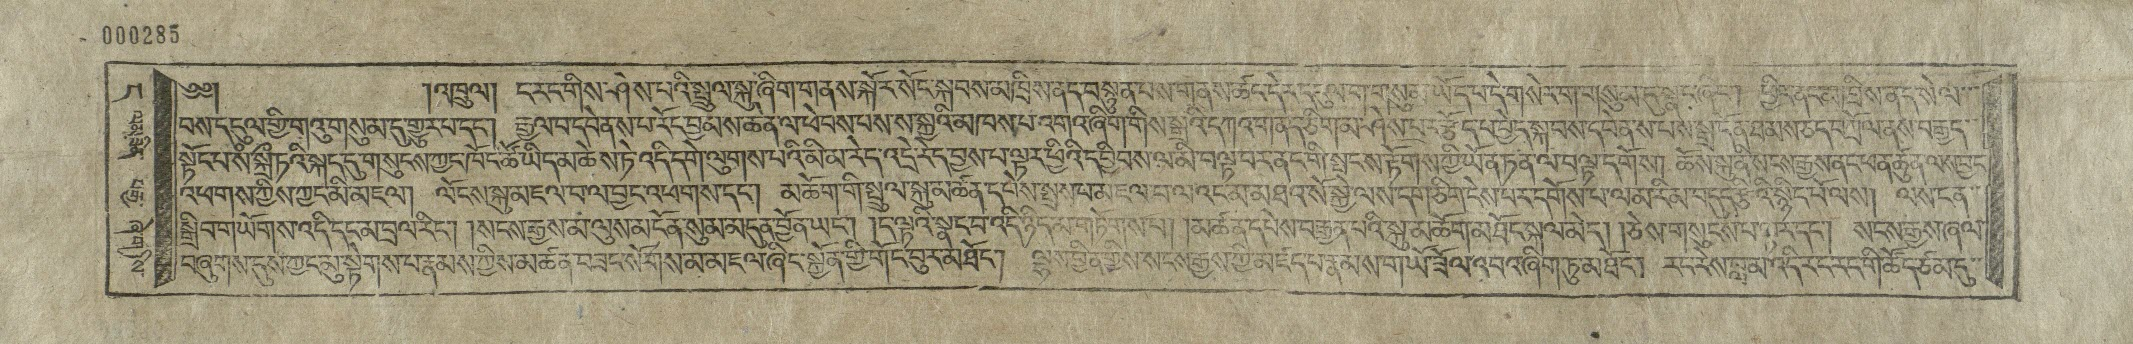༄༅། །འཁྲུལ། ང་རང་གིས་ཤེས་པའི་སྤྲུལ་སྐུ་ཞིག་གནས་སྐོར་སོང་སྐབས་མཁྲིས་ནད་བསྙུན་པས་གནས་ཚང་དེར་དངུལ་ག་གསུམ་ཡོད་པ་དེ་གསེར་ག་གསུམ་དུ་སྣང་ཞིང་། ཕྱིར་ནང་མཁྲིས་ནད་སེལ་
བས་དངུལ་གྱི་གའུ་གསུམ་དུ་གྱུར་པ་དང་། རྒྱལ་བ་དབེན་ས་པ་རོང་བྱམས་ཆེན་ལ་ཕེབས་པས་ས་སྐྱའི་མཁས་པ་འགའ་ཞིག་གིས་སྒྲའི་དཀའ་གནད་ཅིག་མ་ཤེས་པར་རྩོད་པ་བྱེད་སྐབས་དབེན་ས་པས་སྒྲ་དོན་ཐམས་ཅད་བཀྲོལ་ནས་བརྒྱད་
སྟོང་པ་སཾ་སྐྲྀ་ཏའི་སྐད་དུ་གསུངས་ཀྱང་ཁོང་ཚོ་ཡིད་མ་ཆེས་ཏེ་འདི་དགེ་ལུགས་པའི་མི་མ་རེད་འདྲེ་རེད་བྱས་པ་ལྟར་ཕྱིའི་དབྱིབས་ལ་མི་བལྟ་བར་ནང་གི་སྤངས་རྟོགས་ཀྱི་ཡོན་ཏན་ལ་བལྟ་དགོས། ཆོས་སྐུ་ནི་སངས་རྒྱས་ནང་ཕན་ཚུན་ལས་བྱང་
འཕགས་ཀྱིས་ཀྱང་མི་མཇལ། ལོངས་སྐུ་མཇལ་བ་ལ་བྱང་འཕགས་དང་། མཆོག་གི་སྤྲུལ་སྐུ་མཚན་དཔེས་སྤྲས་པ་མཇལ་བ་ལའང་མ་མཐའ་སོ་སྐྱེ་ལས་དག་ཅིག་ངེས་པར་དགོས་པ་ལམ་རིམ་བདུད་རྩིའི་སྙིང་པོ་ལས། ལས་ངན་
སྒྲིབ་གཡོགས་འདི་དང་མ་བྲལ་རིང་། །སངས་རྒྱས་མ་ལུས་མངོན་སུམ་མདུན་བྱོན་ཡང་། །ད་ལྟའི་སྣང་བ་འདི་ཉིད་མ་གཏོགས་པ། །མཚན་དཔེས་བརྒྱན་པའི་སྐུ་མཆོག་མཐོང་སྐལ་མེད། །ཅེས་གསུངས་པ་ལྟར་དང་། སངས་རྒྱས་ཞལ་
བཞུགས་དུས་ཀྱང་མུ་སྟེགས་པ་རྣམས་ཀྱིས་མཚན་བཟང་སོགས་མ་མཇལ་ཞིང་སྐྱོན་གྱི་གོང་བུར་མཐོང་། ལྷས་བྱིན་གྱིས་སངས་རྒྱས་ཀྱི་མཛད་པ་རྣམས་གཡོ་ཟོལ་འབའ་ཞིག་ཏུ་མཐོང་། རང་རེས་བླ་མ་འདི་རང་རང་གི་ཚོད་ཙམ་དུ་